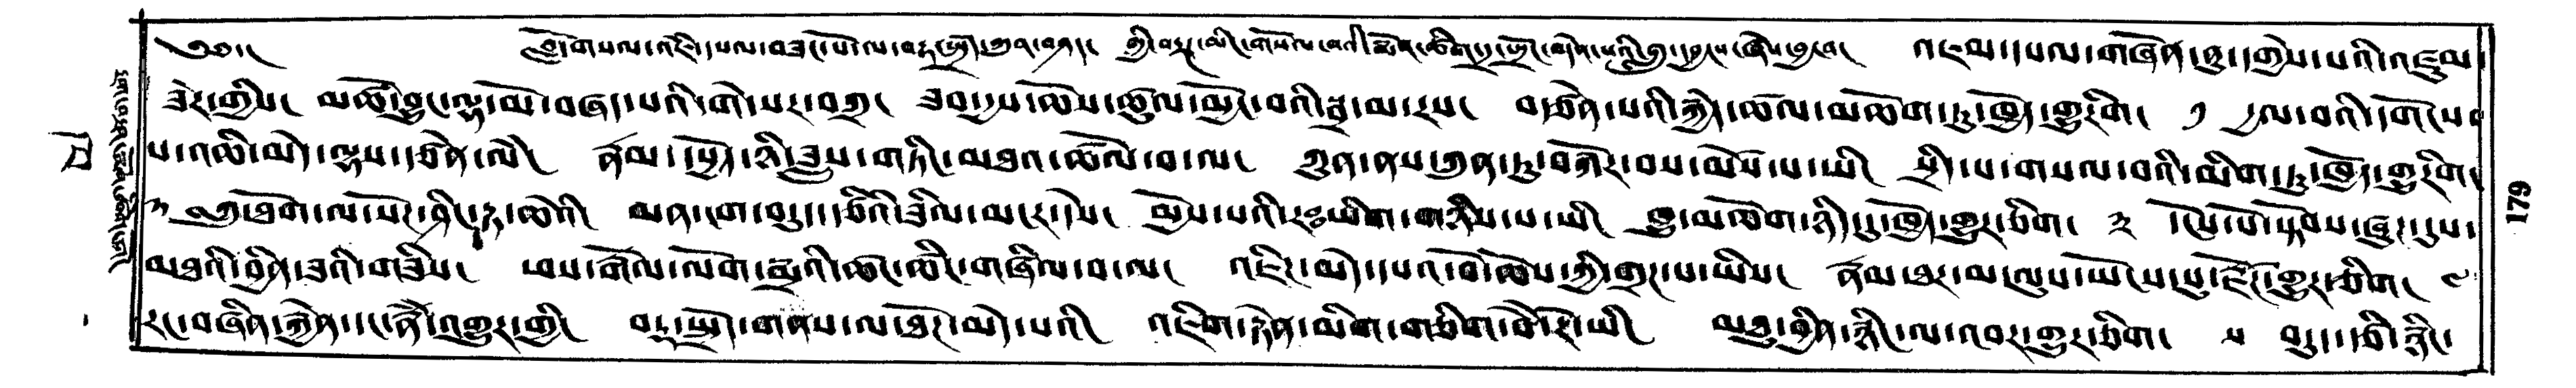༄༅། བློ་གསལ་འཇམ་དཔལ་བཟང་པོ་ལ་བརྡ་སྤྲོད་ཀུན་བཤད་ཀྱི་བརྟགས་མིང་གསོལ་བའི་སྨོན་ཚིག་དྲང་སྲོང་བདེན་པའི་གླུ་དབྱངས་ཞེས་བྱ་བ། འཇམ་དཔལ་གཞོན་ནུ་དགྱེས་པའི་འཛུམ་
ཟེར་གྱིས། །མཚོ་བྱུང་ལྷ་མོ་བཞད་པའི་དགེ་སར་བཀྲ། །ཟབ་རྒྱས་ཆོས་ཚུལ་མྱོང་བའི་སྦྲ་མ་རས། །བརྩོན་པའི་སྐྱེས་ཚལ་མཆོག་ཏུ་ཁྱོད་གྱུར་ཅིག །རྒྱལ་བའི་དགོངས་
པ་འཆི་མེད་ལྷས་རྩེན་ལམ། །རྣམ་དཔྱོད་ཉི་ཟླས་གཏིང་མཐའ་ཚོལ་བ་ལ། །ཀུན་ནས་ཀུན་ཏུ་བསྐོར་བས་མཛེས་པ་ཡིས། །སྲིད་པ་གསལ་བའི་མིག་ཏུ་ཁྱོད་གྱུར་ཅིག །
ཀླུ་ཐོགས་ལ་སོགས་ཤིང་རྟ་ཆེའི། །མན་ངག་བདུད་རྩིའི་ཟིལ་མངར་དེས། །མྱོས་པའི་རཿཡིག་གཉིས་པ་ཡི། །ཁྱུ་མཆོག་ཉིད་དུ་ཁྱོད་གྱུར་ཅིག །དངོས་པོ་སྟོབས་ཞུགས་དུས་
མཐའི་བྱིན་ཟའི་གཟིས། །ཕས་རྒོལ་ལོག་སྨྲའི་ཚང་ཚིང་གཞིལ་བ་ལ། །འཇིགས་མེད་དཔའ་བོ་ཆོས་ཀྱི་གྲགས་པ་ཡིས། །རྣམ་ཐར་མ་ལུས་ཡོངས་སུ་རྫོགས་གྱུར་ཅིག །
རང་བཞིན་རྐྱེན་དང་རྣམ་འགྱུར་གྱི། །བརྡ་སྤྲོད་གནས་ལ་ཐོགས་མེད་པའི། །འཇིག་རྟེན་མིག་གཅིག་བཻ་རོ་ཡི། །མཐུ་བྱིན་སྙིང་ལ་འབར་གྱུར་ཅིག །བདུད་རྩི་སྙིང་